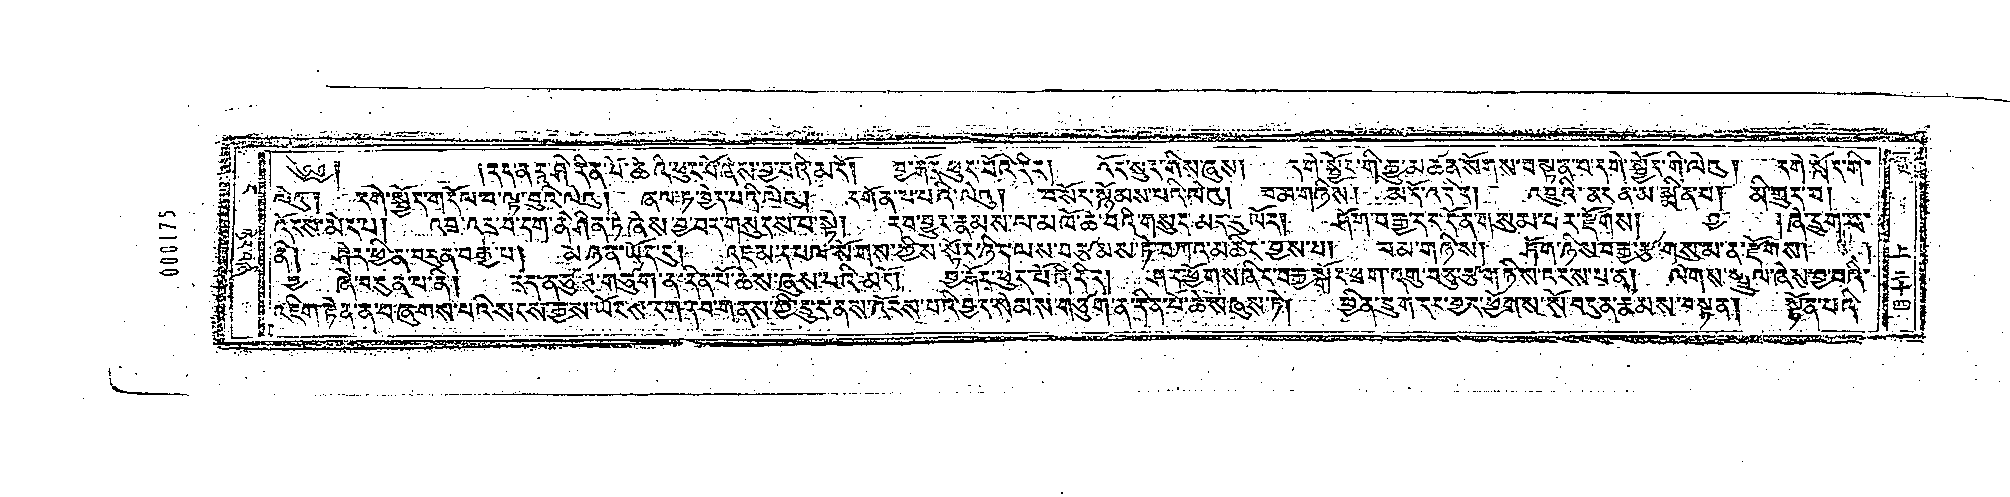༄༅། །རད་ནརཱ་ཤི་རིན་པོ་ཆེའི་ཕུང་པོ་ཞེས་བྱ་བའི་མདོ། བྱ་རྒོད་ཕུང་བོའི་རིར། འོད་སྲུང་གིས་ཞུས། དགེ་སྦྱོང་གི་རྒྱུ་མཚན་སོགས་བསྟན་པ་དགེ་སྦྱོང་གི་ལེའུ། དགེ་སློང་གི་
ལེའུ། དགེ་སྦྱོད་གདོལ་བ་ལྟ་བུའི་ལེའུ། ཞལ་ཏ་བྱེད་པའི་ལེའུ། དགོན་པ་པའི་ལེའུ། བསོད་སྙོམས་པའི་ལེའུ། བམ་གཉིས། མདོ་འདིར། འབྲུའི་ནང་ན་མ་སྨིན་པ། མི་གྲུད་པ།
འོངས་མེད་པ། འབྲས་འདྲ་བ་དག་ནི་ཤིན་ཏེ་ཞེས་བྱ་བར་གསུངས་པ་སྟེ། རབ་བྱུང་རྣམས་ལ་མཁོ་ཆེ་བའི་གསུང་མང་དུ་ཡོད། ཤོག་བརྒྱ་དང་དོན་གསུམ་པར་རྫོགས། ༧་།ཞེ་དྲུག་བ་
ནི། ཤེར་ཕྱིན་བདུན་བརྒྱ་པ། མཉན་ཡོད་དུ། འཇམ་དཔལ་སོགས་ཀྱིས་སྟོང་ཉིད་ལས་བརྩམས་ཏེ་བཀའ་མཆིང་བྱས་པ། བམ་གཉིས། ཤོག་ཉིས་བརྒྱ་རྩ་གསུམ་ན་རྫོགས། །
༧་ཞེ་བདུན་པ་ནི། རད་ན་ཙུ་ཊ་གཙུག་ན་རིན་པོ་ཆེས་ཞུས་པའི་མདོ། བྱ་རྒོད་ཕུང་པོའི་རིར། ཤར་ཕྱོགས་ཞིང་བརྒྱ་སྒོང་ཕྲག་འགུ་བཅུ་རྩ་གཉིས་འདས་པ་ན། ལེགས་སྤྲུལ་ཞེས་བྱ་བའི་
འཇིག་རྟེན་ན་བཞུགས་པའི་སངས་རྒྱས་ཡོངས་དག་རབ་གནས་ཀྱི་དྲུང་ནས་འོངས་པའི་བྱང་སེམས་གཙུག་ན་རིན་པོ་ཆེས་ཞུས་ཏེ། ཕྱིན་དྲུག་དང་བྱང་ཕྱོགས་སོ་བདུན་རྣམས་བསྟན། སྟོན་པའི་